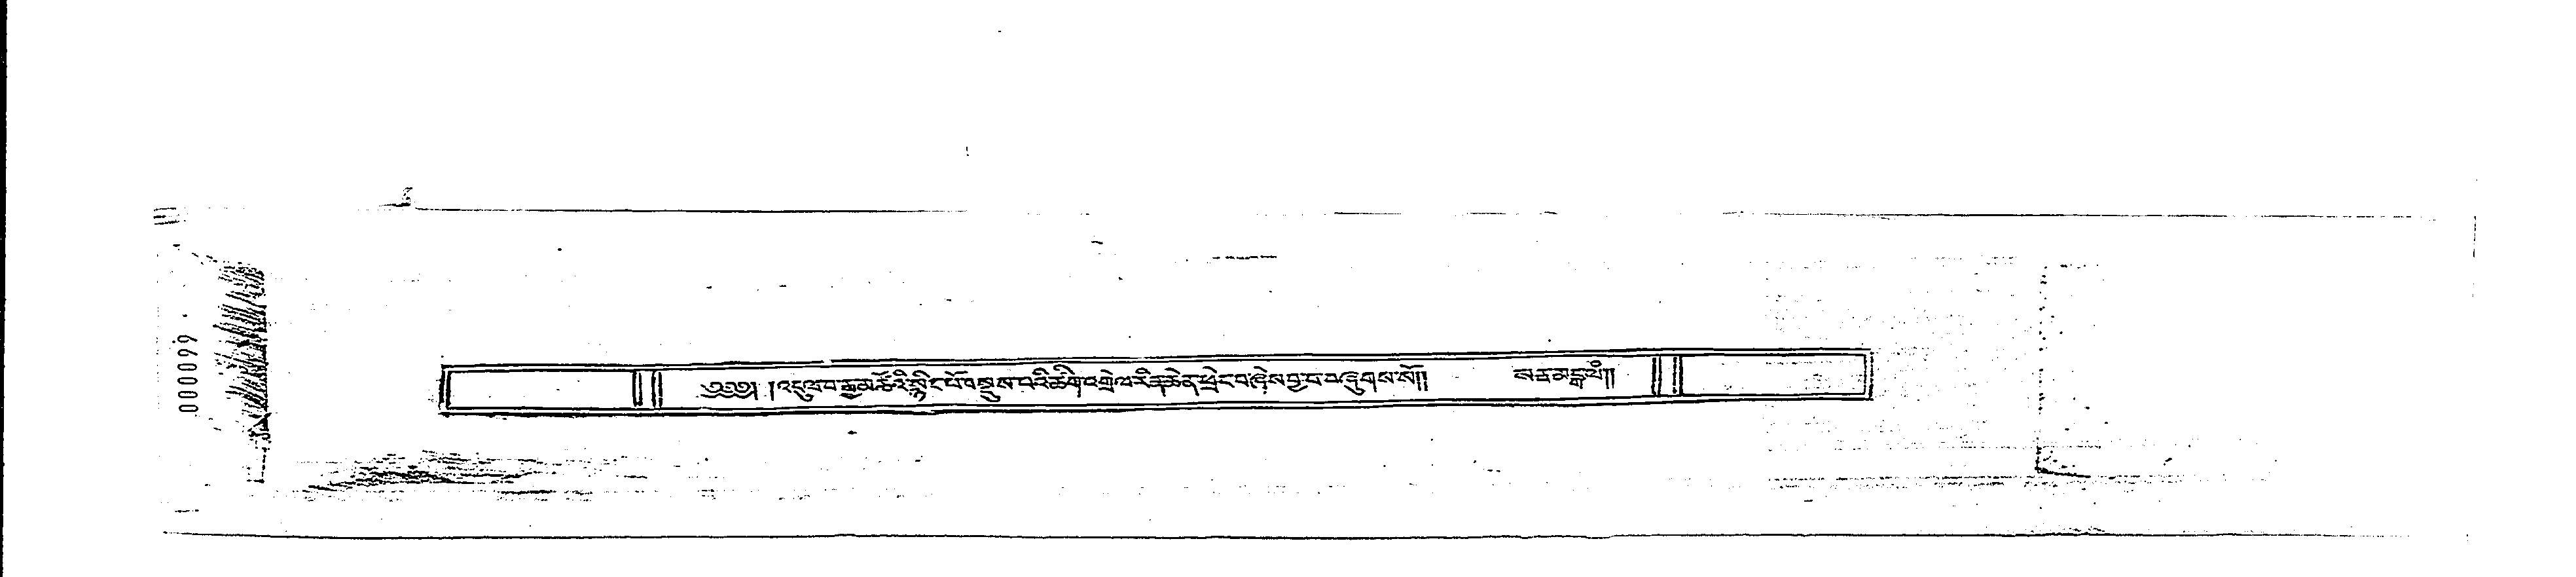༄༅༅། །འདུལ་བ་རྒྱ་མཚོའི་སྙིང་པོ་བསྡུས་པའི་ཚིག་འགྲེལ་རིན་ཆེན་ཕྲེང་བ་ཞེས་བྱ་བ་བཞུགས་སོ།། སརྦ་མངྒ་ལཾ།།